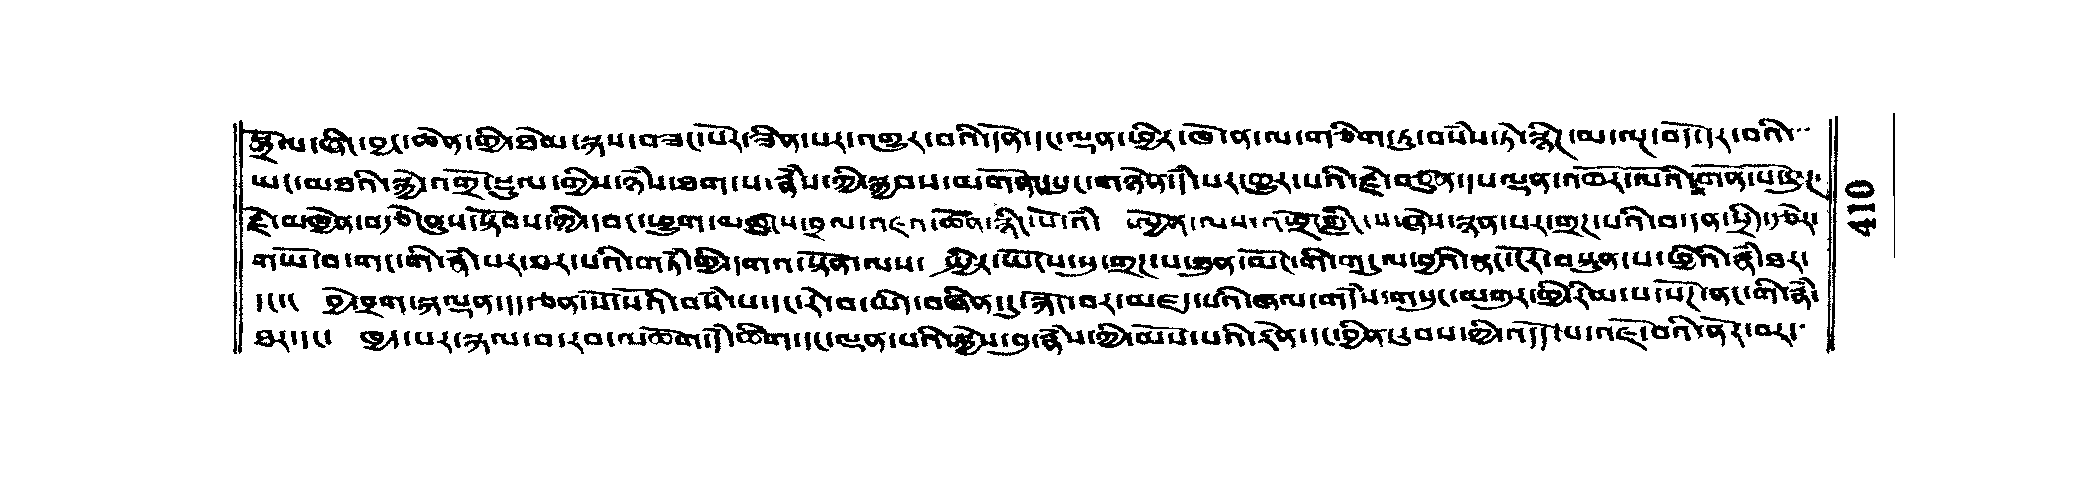སྒྲོལ་ཞིང་བྱང་ཆེན་གྱི་ཐེམ་སྐས་བཟང་པོར་ཟིན་པར་འགྱུར་བའི་དོན་དང་ལྡན་ཕྱིར་ཁོ་ན་ལ་གཅིག་ཏུ་བསམ་སྟེ་སྙིགས་མ་ལྔ་བདོ་བའི་
ཡང་མཐའི་སྐྱེ་འགྲོ་སྡུག་བསྔལ་གྱི་ཉམས་ཐག་པ་རྣམས་ཀྱི་སྐྱབས་མགོན་དཔུང་གཉེན་དམ་པར་གྱུར་པའི་རྗེ་བཙུན་དཔལ་ལྡན་འཁོར་ལོའི་མགོན་པོ་ཐུགས་
རྗེ་མཁྱེན་བརྩེ་ནུས་སྟོབས་ཀྱི་དབང་ཕྱུག་མཚུངས་བྲལ་འཇའ་ཚོན་སྙིང་པོ་འམ། ཨོ་རྒྱན་ལས་འཕྲོ་གླིང་པ་ཞེས་སྙན་པར་གྲགས་པའི་བ་དན་སྲིད་རྩེར་
གཡོ་བ་གང་གི་རྣམ་པར་ཐར་པའི་གཏམ་གྱི་དགའ་སྟོན་ལས། སྤྱིར་ཡོངས་སུ་གྲགས་པ་ཐུན་མོང་གི་གདུལ་བྱའི་སྣང་ངོར་བསྟུན་པ་ཕྱིའི་རྣམ་ཐར་
དང་། བྱེ་བྲག་སྐལ་ལྡན་དད་ཅན་སོ་སོའི་བསམ་པ་དང་རེ་བ་ཡིད་བཞིན་དུ་སྐོང་བར་མཛད་པའི་ཞལ་གདམས་གསུང་མགུར་གྱི་རིམ་པ་སོགས་ནང་གི་རྣམ་
ཐར་དང་། ཁྱད་པར་སྐལ་བ་རབ་མཆོག་དམ་ཚིག་དང་ལྡན་པའི་སྐྱེས་བུ་རྣམས་ཀྱི་མོས་པའི་རྟེན་དང་བྱིན་རླབས་ཀྱི་འདོད་པ་འཇོ་བའི་ནོར་བུར་